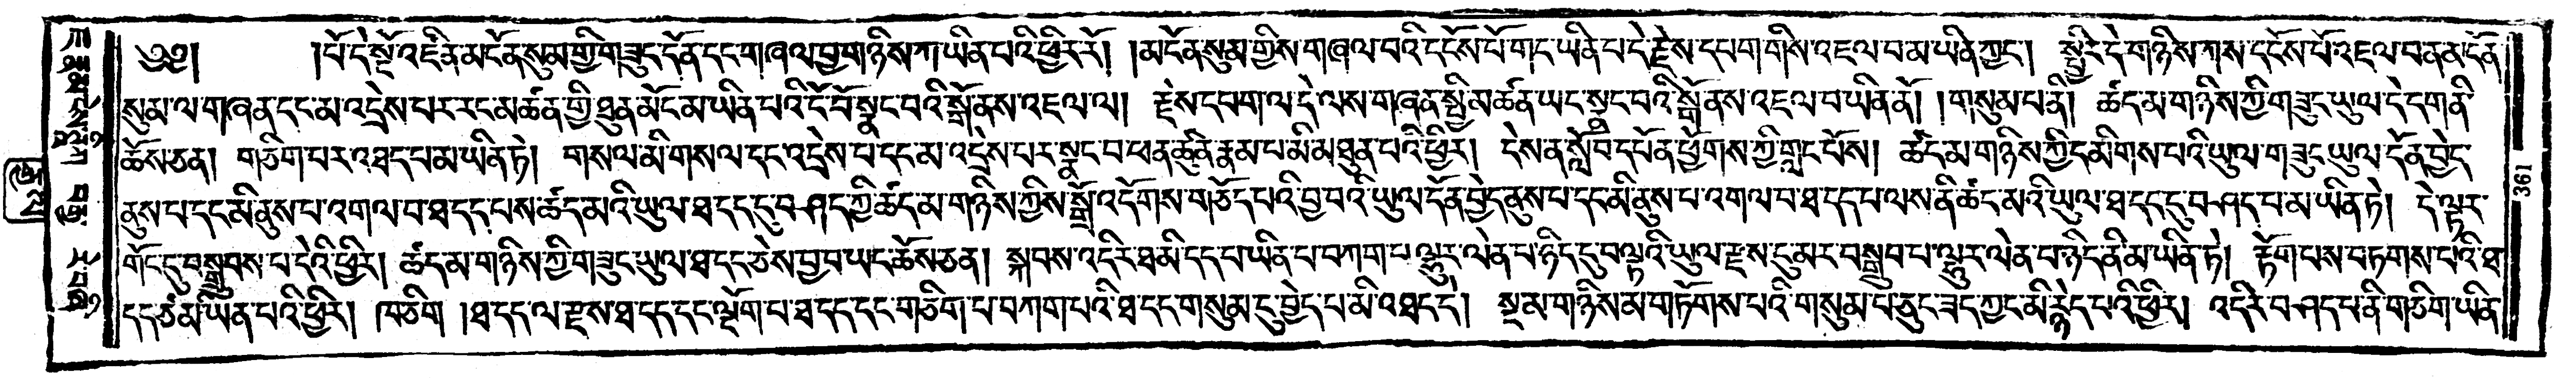༄༅། །པོ་དེ་སྔོ་འཛིན་མངོན་སུམ་གྱི་གཟུང་དོན་དང་གཞལ་བྱ་གཉིས་ཀ་ཡིན་པའི་ཕྱིར་རོ། །མངོན་སུམ་གྱིས་གཞལ་བའི་དངོས་པོ་གང་ཡིན་པ་དེ་རྗེས་དཔག་གིས་འཇལ་བ་མ་ཡིན་ཀྱང་། སྤྱིར་དེ་གཉིས་ཀས་དངོས་པོ་འཇལ་བ་ན་མངོན་
སུམ་ལ་གཞན་དང་མ་འདྲེས་པར་རང་མཚན་གྱི་ཐུན་མོང་མ་ཡིན་པའི་ངོ་བོ་སྣང་བའི་སྒོ་ནས་འཇལ་ལ། རྗེས་དཔག་ལ་དེ་ལས་གཞན་སྤྱི་མཚན་ཡང་སྣང་བའི་སྒོ་ནས་འཇལ་བ་ཡིན་ནོ། །གསུམ་པ་ནི། ཚད་མ་གཉིས་ཀྱི་གཟུང་ཡུལ་དེ་དག་ནི་
ཆོས་ཅན། གཅིག་པར་འཐད་པ་མ་ཡིན་ཏེ། གསལ་མི་གསལ་དང་འདྲེས་པ་དང་མ་འདྲེས་པར་སྣང་བ་ཕན་ཚུན་རྣམ་པ་མི་མཐུན་པའི་ཕྱིར། དེས་ན་སློབ་དཔོན་ཕྱོགས་ཀྱི་གླང་པོས། ཚད་མ་གཉིས་ཀྱི་དམིགས་པའི་ཡུལ་གཟུང་ཡུལ་དོན་བྱེད་
ནུས་པ་དང་མི་ནུས་པ་འགལ་བ་ཐ་དད་པས་ཚད་མའི་ཡུལ་ཐ་དད་དུ་བཤད་ཀྱི་ཚད་མ་གཉིས་ཀྱིས་སྒྲོ་འདོགས་གཅོད་པའི་བྱ་བའི་ཡུལ་དོན་བྱེད་ནུས་པ་དང་མི་ནུས་པ་འགལ་བ་ཐ་དད་པ་ལས་ནི་ཚད་མའི་ཡུལ་ཐ་དད་དུ་བཤད་པ་མ་ཡིན་ཏེ། དེ་ལྟར་
གོང་དུ་བསྒྲུབས་པ་དེའི་ཕྱིར། ཚད་མ་གཉིས་ཀྱི་གཟུང་ཡུལ་ཐ་དད་ཅེས་བྱ་བ་ཡང་ཆོས་ཅན། སྐབས་འདིར་ཐ་མི་དད་པ་ཡིན་པ་བཀག་པ་ལྷུར་ལེན་པ་ཉིད་དུ་བལྟའི་ཡུལ་རྫས་དུ་མར་བསྒྲུབ་པ་ལྷུར་ལེན་པ་ཉིད་ནི་མ་ཡིན་ཏེ། རྟོག་པས་བཏགས་པའི་ཐ་
དད་ཙམ་ཡིན་པའི་ཕྱིར། ཁ་ཅིག །ཐ་དད་ལ་རྫས་ཐ་དད་དང་ལྡོག་པ་ཐ་དད་དང་གཅིག་པ་བཀག་པའི་ཐ་དད་གསུམ་དུ་བྱེད་པ་མི་འཐད་དེ། སྔ་མ་གཉིས་མ་གཏོགས་པའི་གསུམ་པ་ཅུང་ཟད་ཀྱང་མི་རྙེད་པའི་ཕྱིར། འདིར་བཤད་པ་ནི་གཅིག་ཡིན་